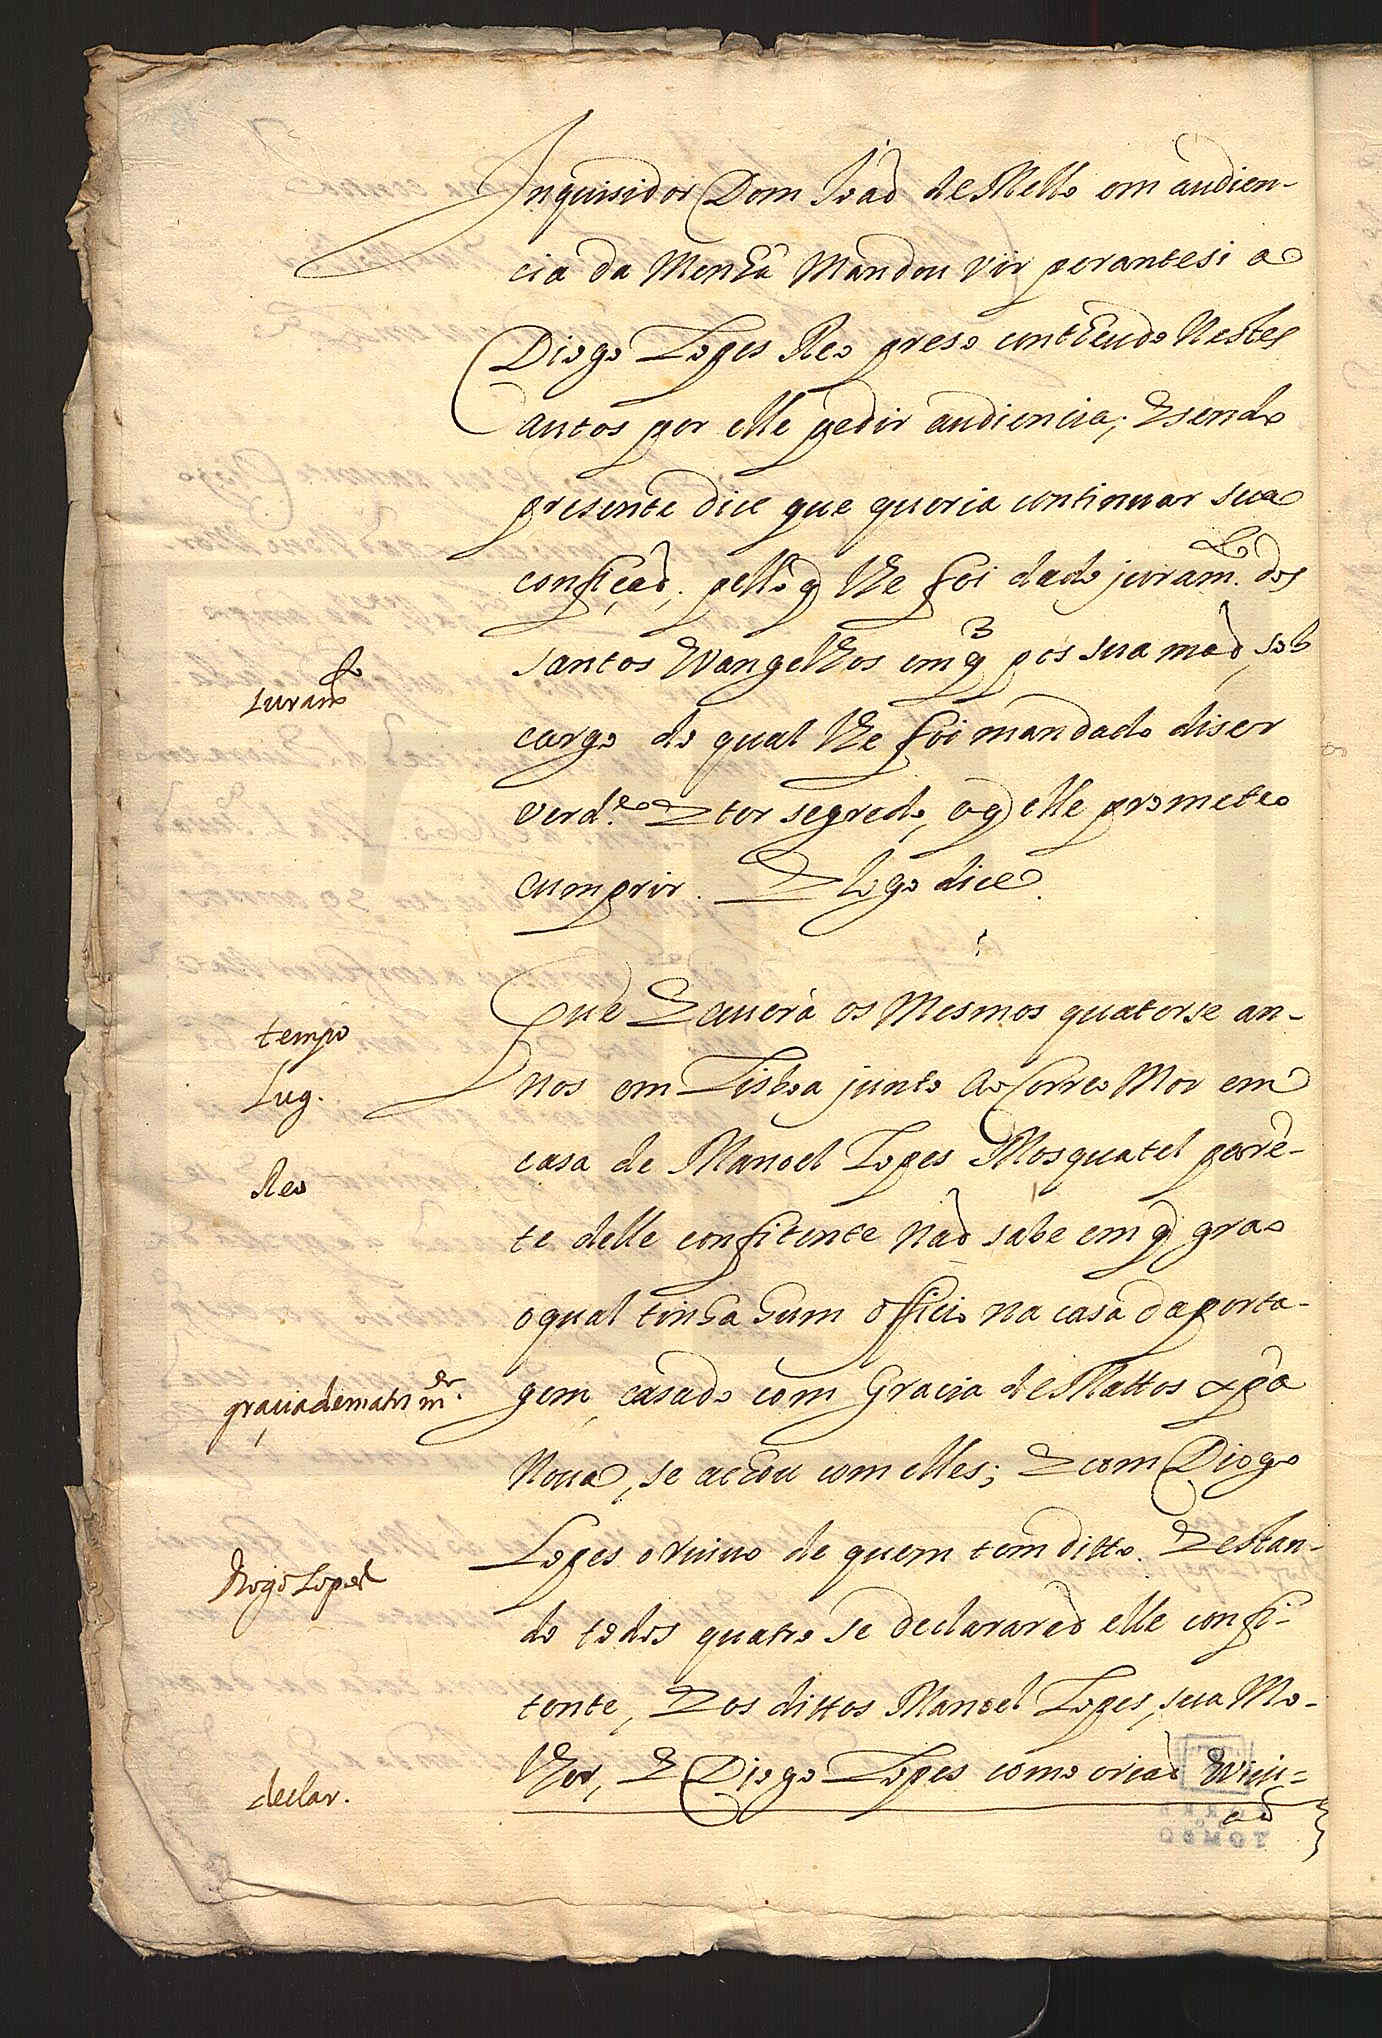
Jnquisidor Dom Ioão de Mello em audien
cia da menhā mandou vir perante si a
Diogo Lopes Reo preso contheudo Nestes
autos por elle pedir audiencia; E sendo
presente dice que queria continuar sua
confição; pello q̄ lhe foi dado juramto. dos
santos Evangelhos em q̄ pos sua mão, sob
juramto
cargo do qual lhe foi mandado diser
verd.e E ter segredo, o q̄ elle prometeo
cumprir. E logo dice.
Que hauera os Mesmos quatorse an
tempo
nos em Lisboa junto ao Correo Mor em
Lug.
casa de Manoel Lopes Mosquatel parē
Reo
te delle confitente não sabe em q̄ grao
o qual tinha hum officio na casa da porta
gem, casado com Gracia de Mattos xp̄a
graçia de matos mer.
Noua, se achou com elles; E com Diogo
Lopes o viuuo de quem tem ditto. E estan
Diogo Lopes
do todos quatro se declararão elle confi
tente, E os dittos Manoel Lopes, sua Mo
lher, E Diogo Lopes como crião E viui
aõ
